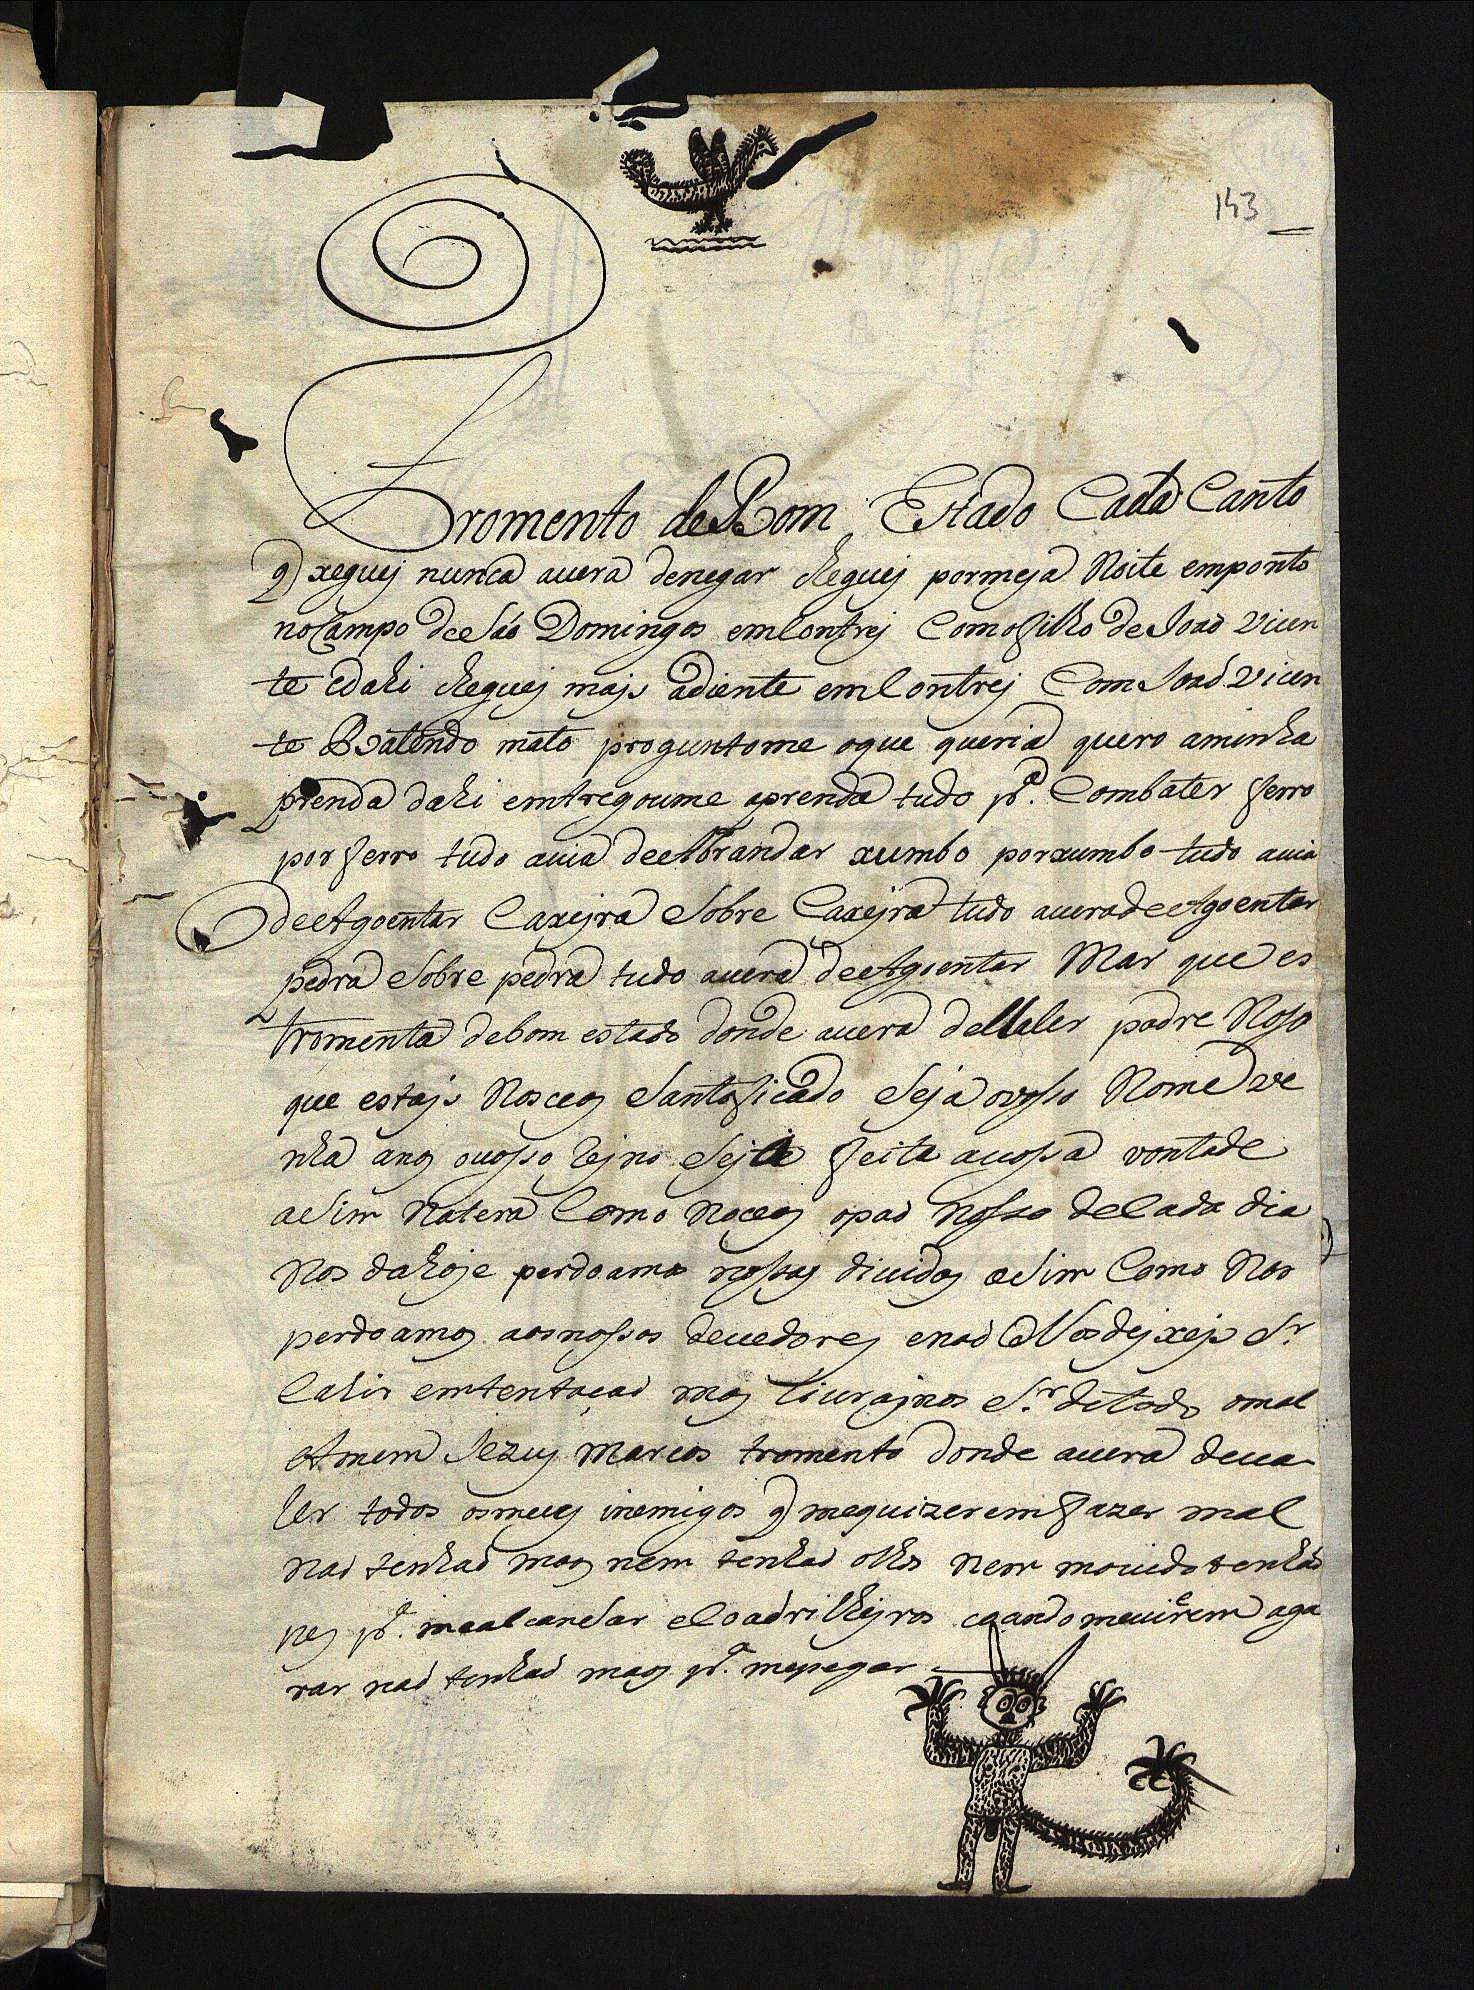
Fromento de Bom Estado Cada canto
q̄ xeguej nunca auera de negar cheguej por meja noite em ponto
no Campo de Saõ Domingos emcontrej com o filho de Ioaõ vicen
te e dahi cheguej majs adiante emcontrej com Ioaõ vicen
te Batendo mato proguntome o que queria quero a minha
prenda dahi emtregoume aprenda, tudo p.a combater ferro
por ferro tudo auia de Abrandar xumbo por xumbo tudo auia
dee Agoentar Caxejra Sobre Caxejra tudo auera de Agoentar
pedra sobre pedra tudo auera de Agoentar mar que es
tromenta de bom estado donde auera dellaler padre Noso
que estajs nos ceos Santificado seja o vosso Nome ve
nha anos o uosso Rejno seja feita a uossa vontade
asim na tera como no ceos o paõ nosso de cada dia
nos da hoje perdoam a nossas diuidas asim como nos
perdoamos aos nossos deuedores e Naõ os dejxejs Sr
cahir em tentaçaõ mas liurajnos S.r de todo o mal
Amem Iesus marcos tromenta donde auera deua
ler todos os meus inemigos q̄ me quizerem fazer mal
naõ tenhaõ maos nem tenhaõ olhos nem mouido tenhaõ
pes p.a me alcansar e coadrilhejros coando meueirem aga
rar naõ tenhaõ maos p.a me pegar
